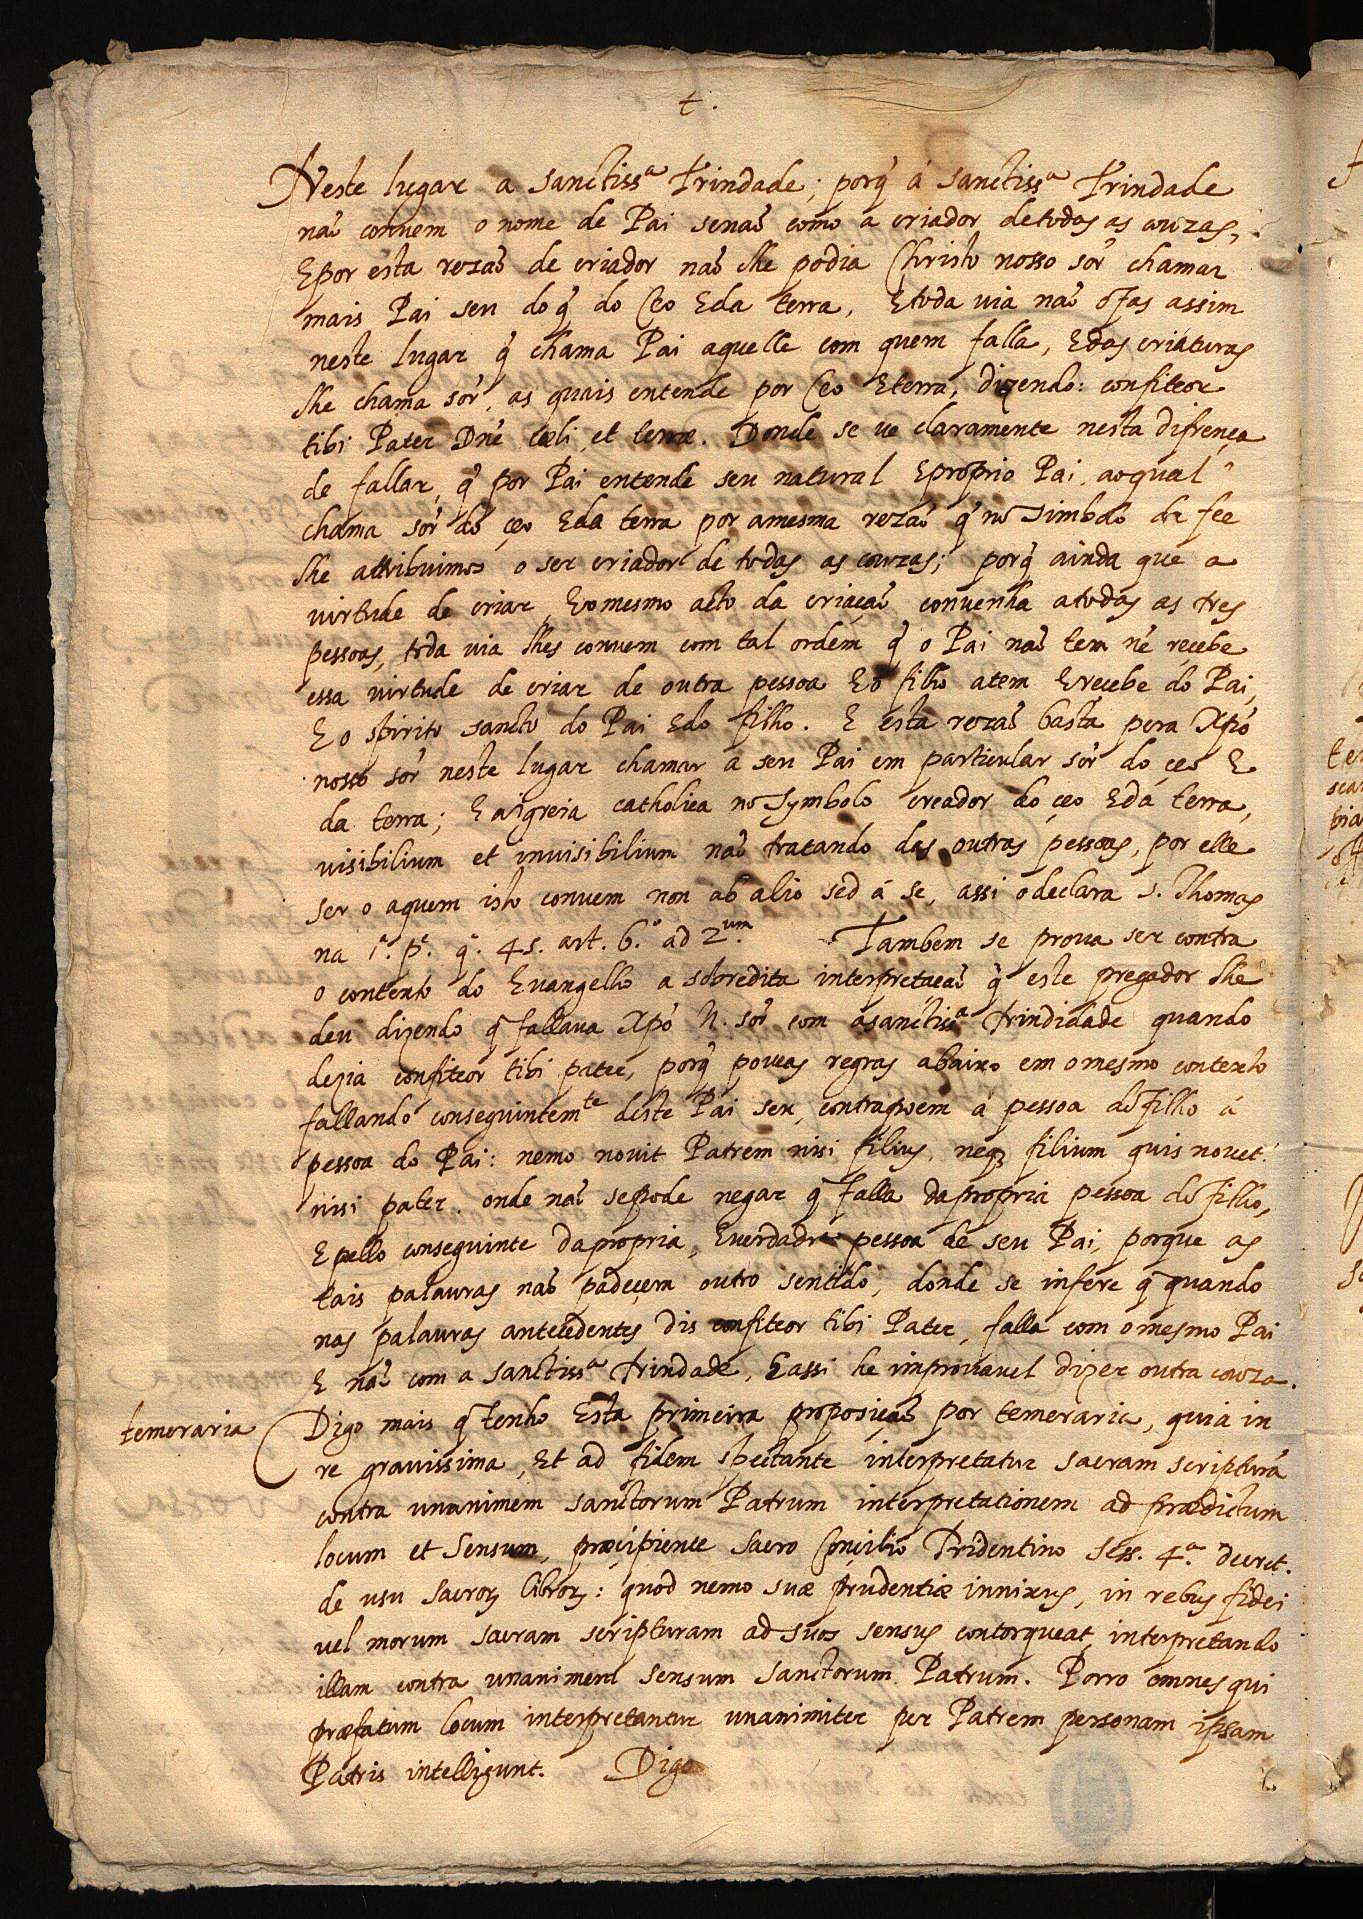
Neste lugar a sanctissa Trindade; porq̄ á sanctissa Trindade
naõ conuem o nome de Pai senaõ como a criador de todas as couzas,
E por esta rezaõ de criador naõ lhe podia Christo nosso sor̄ chamar
mais Pai seu do q̄ do Ceo E da terra, E todauia naõ o fas assim
neste lugar q̄ chama Pai aquelle com quem falla, E das criaturas
lhe chama sor̄, as quais entende por Ceo E terra, dizendo: confiteor
tibi Pater Dnē cæli et terræ. Donde se ue claramente nesta difrença
de fallar, q̄ por Pai entende seu natural E proprio Pai ao qual
chama sor̄ do ceo E da terra por a mesma rezaõ q̄ no simbolo da fee
lhe attribuimos o ser criador de todas as couzas; porq̄ ainda que a
uirtude de criar, E o mesmo acto da criação conuenha a todas as tres
pessoas, todauia lhes conuem com tal ordem q̄ o Pai naõ tem nē recebe
essa uirtude de criar de outra pessoa e o filho a tem E recebe do Pai,
E o spirito sancto do Pai E do filho. E esta rezaõ basta pera Xpō
nosso sor̄ neste lugar chamar a seu Pai em particular sor̄ do ceo E
da terra; E a igreia catholica no Symbolo creador do ceo E da terra,
uisibilium et inuisibilium naõ tratando das outras pessoas, por elle
ser o a quem isto conuem non ab alio sed á se, assi o declara s. Thomas
na 1.a pe. q. 45. art. 6.o ad 2.um
Tambem se proua ser contra
o contexto do Euangelho a sobredita interpretaçaõ q̄ este pregador lhe
deu dizendo q̄ fallaua Xpō N. sor̄ com a sanctissa trindidade quando
dezia confiteor tibi pater, porq̄ poucas regras abaixo em o mesmo contexto
fallando conseguintemte deste Pai seu, contrapoem a pessoa do filho á
pessoa do Pai: nemo nouit Patrem nisi filius, neq̄ filium quis nouet
nisi pater. onde naõ se pode negar q̄ falla da propria pessoa do filho,
E pello conseguinte da propria, E uerdadra pessoa de seu Pai, porque as
tais palauras naõ padecem outro sentido, donde se infere q̄ quando
nas palauras antecedentes dis confiteor tibi Pater, falla com o mesmo Pai
E naõ com a sanctissa trindade, E assi he improuauel dizer outra couza.
temeraria
Digo mais q̄ tenho Esta primeira proposiçaõ por temeraria, quia in
re grauissima, Et ad fidem spectante interpretatur sacram scripturā
contra unanimem sanctorum Patrum interpretationem ad prædictum
locum et sensum, præcipiente sacro Concilio Tridentino sess. 4.a decret.
de usu sacroꝵ libroꝵ: quod nemo suæ prudentiæ innixus, in rebus fidei
uel morum sacram scripturam ad suos sensus contorqueat interpretando
illam contra unanimen sensum Sanctorum Patrum. Porro omnes qui
præfatum locum interpretantur unanimiter per Patrem personam ipsam
Patris intelligunt. Digo
